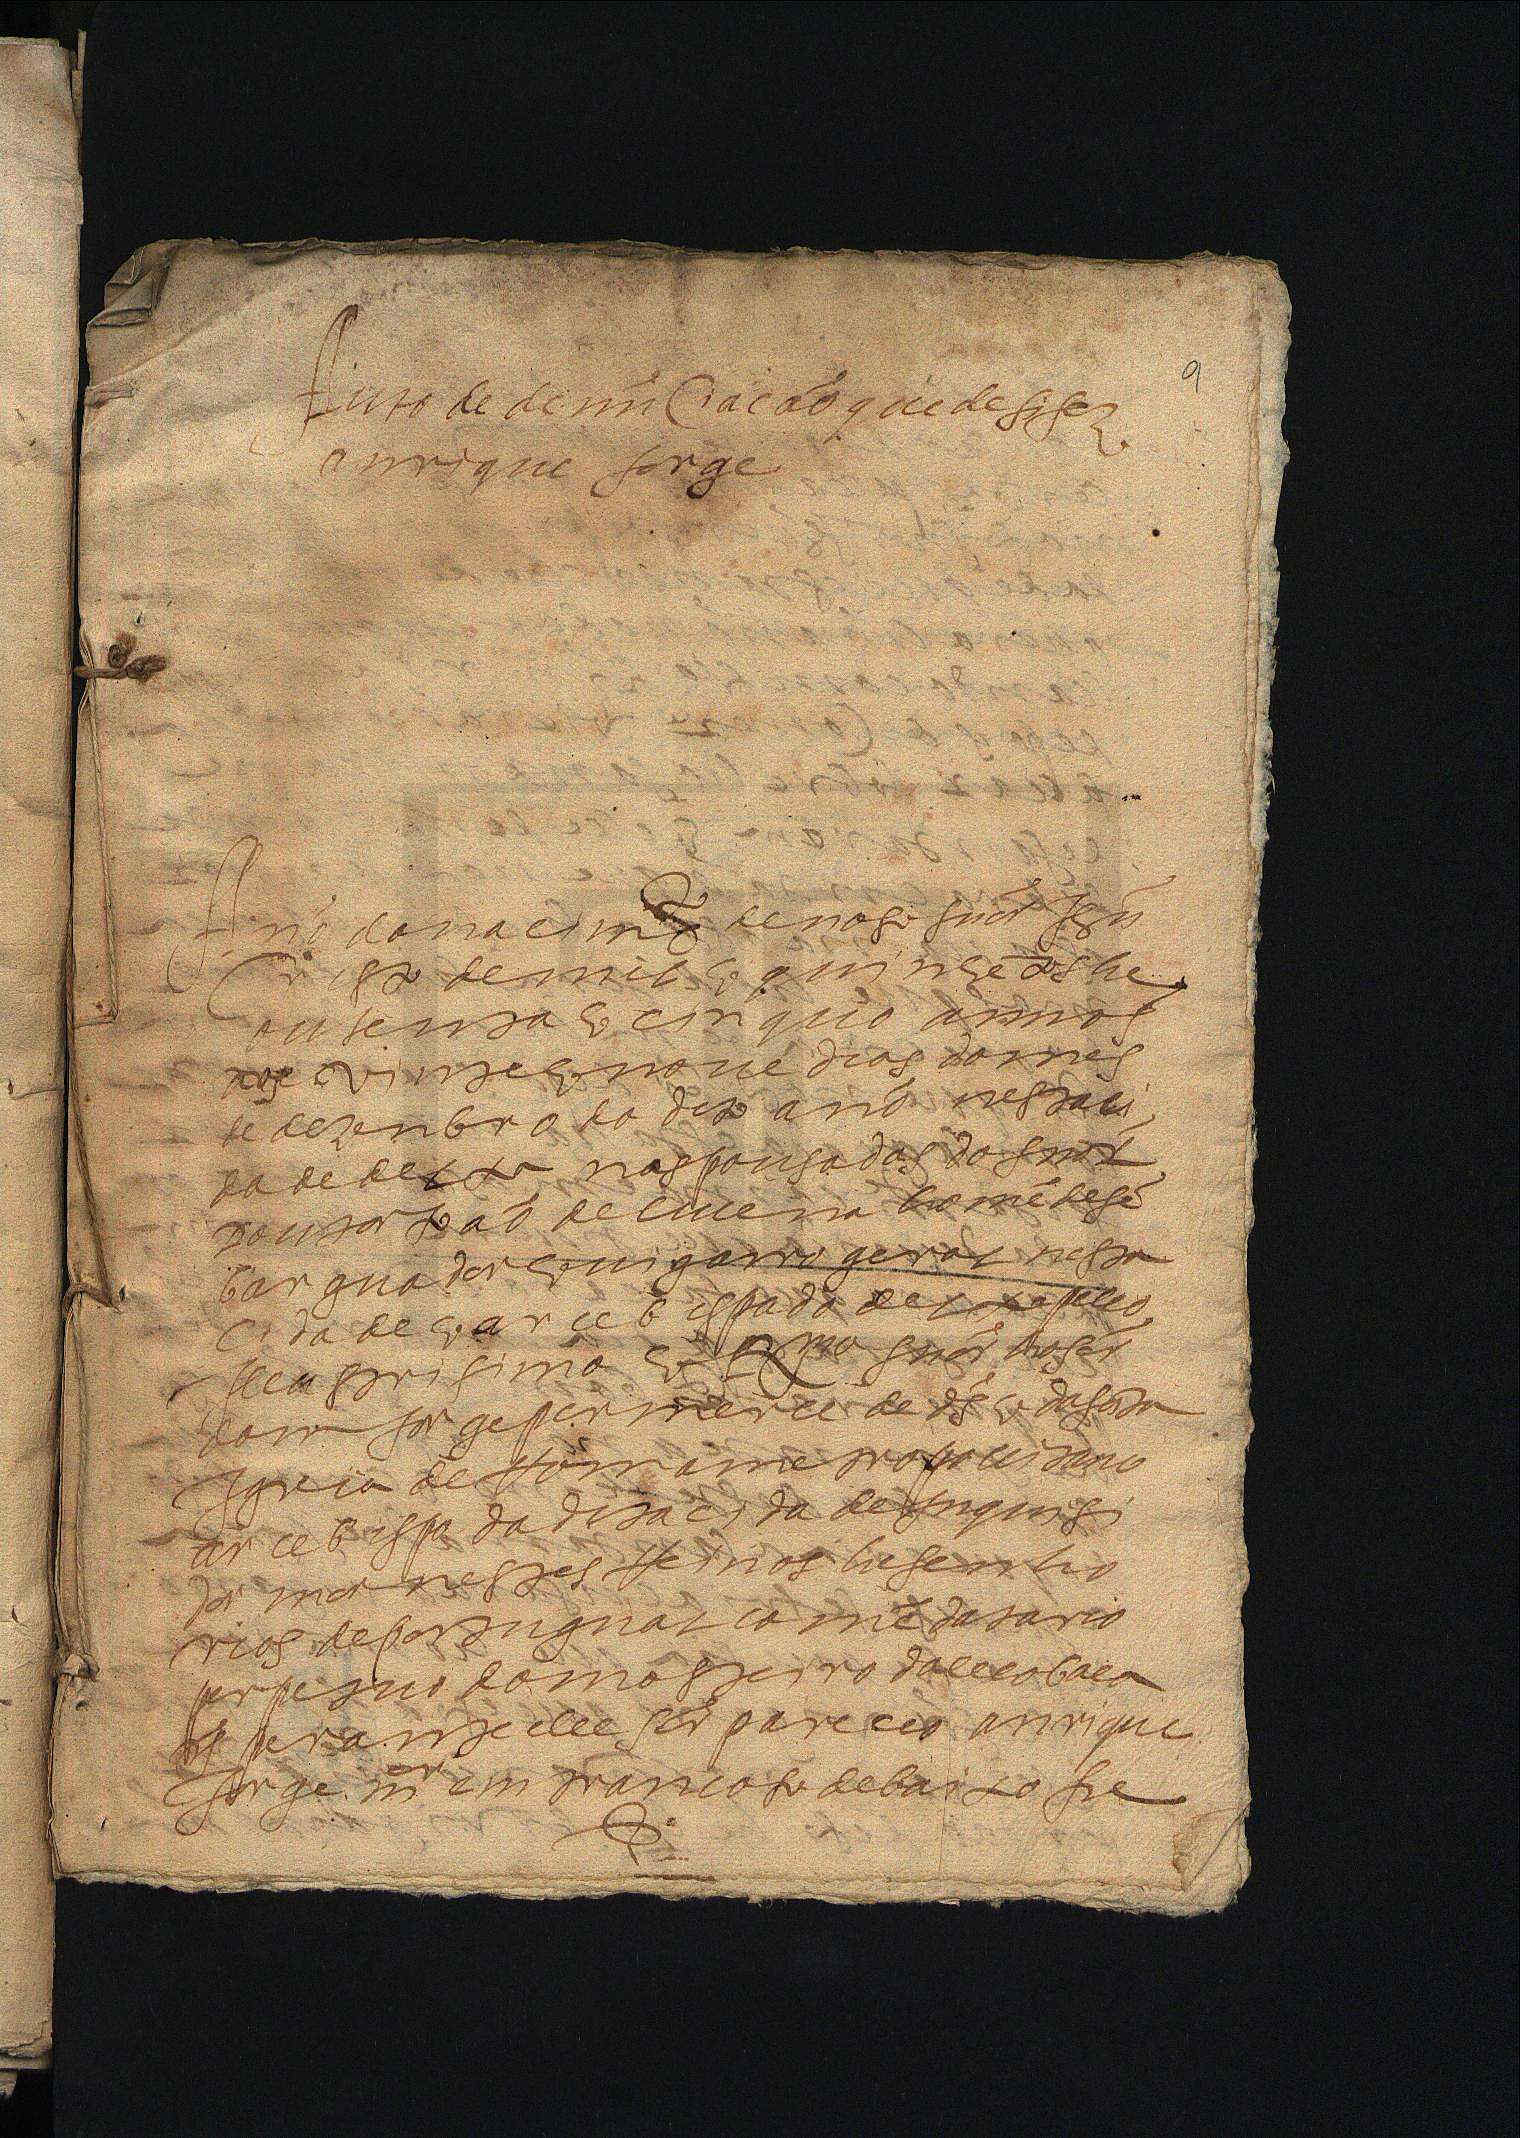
Auto de denūCiacaõ que de si fez
anrique Jorge
Anō do nacimto de noso snor̄ Jhū
Cristo de mil & quinhētos he
outenta & cinquo annos
aos vinte & noue dias do mes
de dezenbro do dito anō nesta ci
dade de Lxa nas pousadas do snor̄
Doutor Joaõ de lucena homē desē
barguador & uigairo geral nesta
cidade & arcebispado de Lxa pello
Jllustrisimo & Exmo snor̄ ho sor̄
dom Jorge per merce de ds̄ & da sāta
Jgreia de Roma metropollitano
arcebispo da dita cidade Jnquisi
dor mor nestes Reinos he senho
rios de portugual comēdatario
perpetuo do mosteiro dallcobaca
c̄ꝭ perante elle sor̄ pareceo anrique
Jorge mor em trancoso de baixo fre
